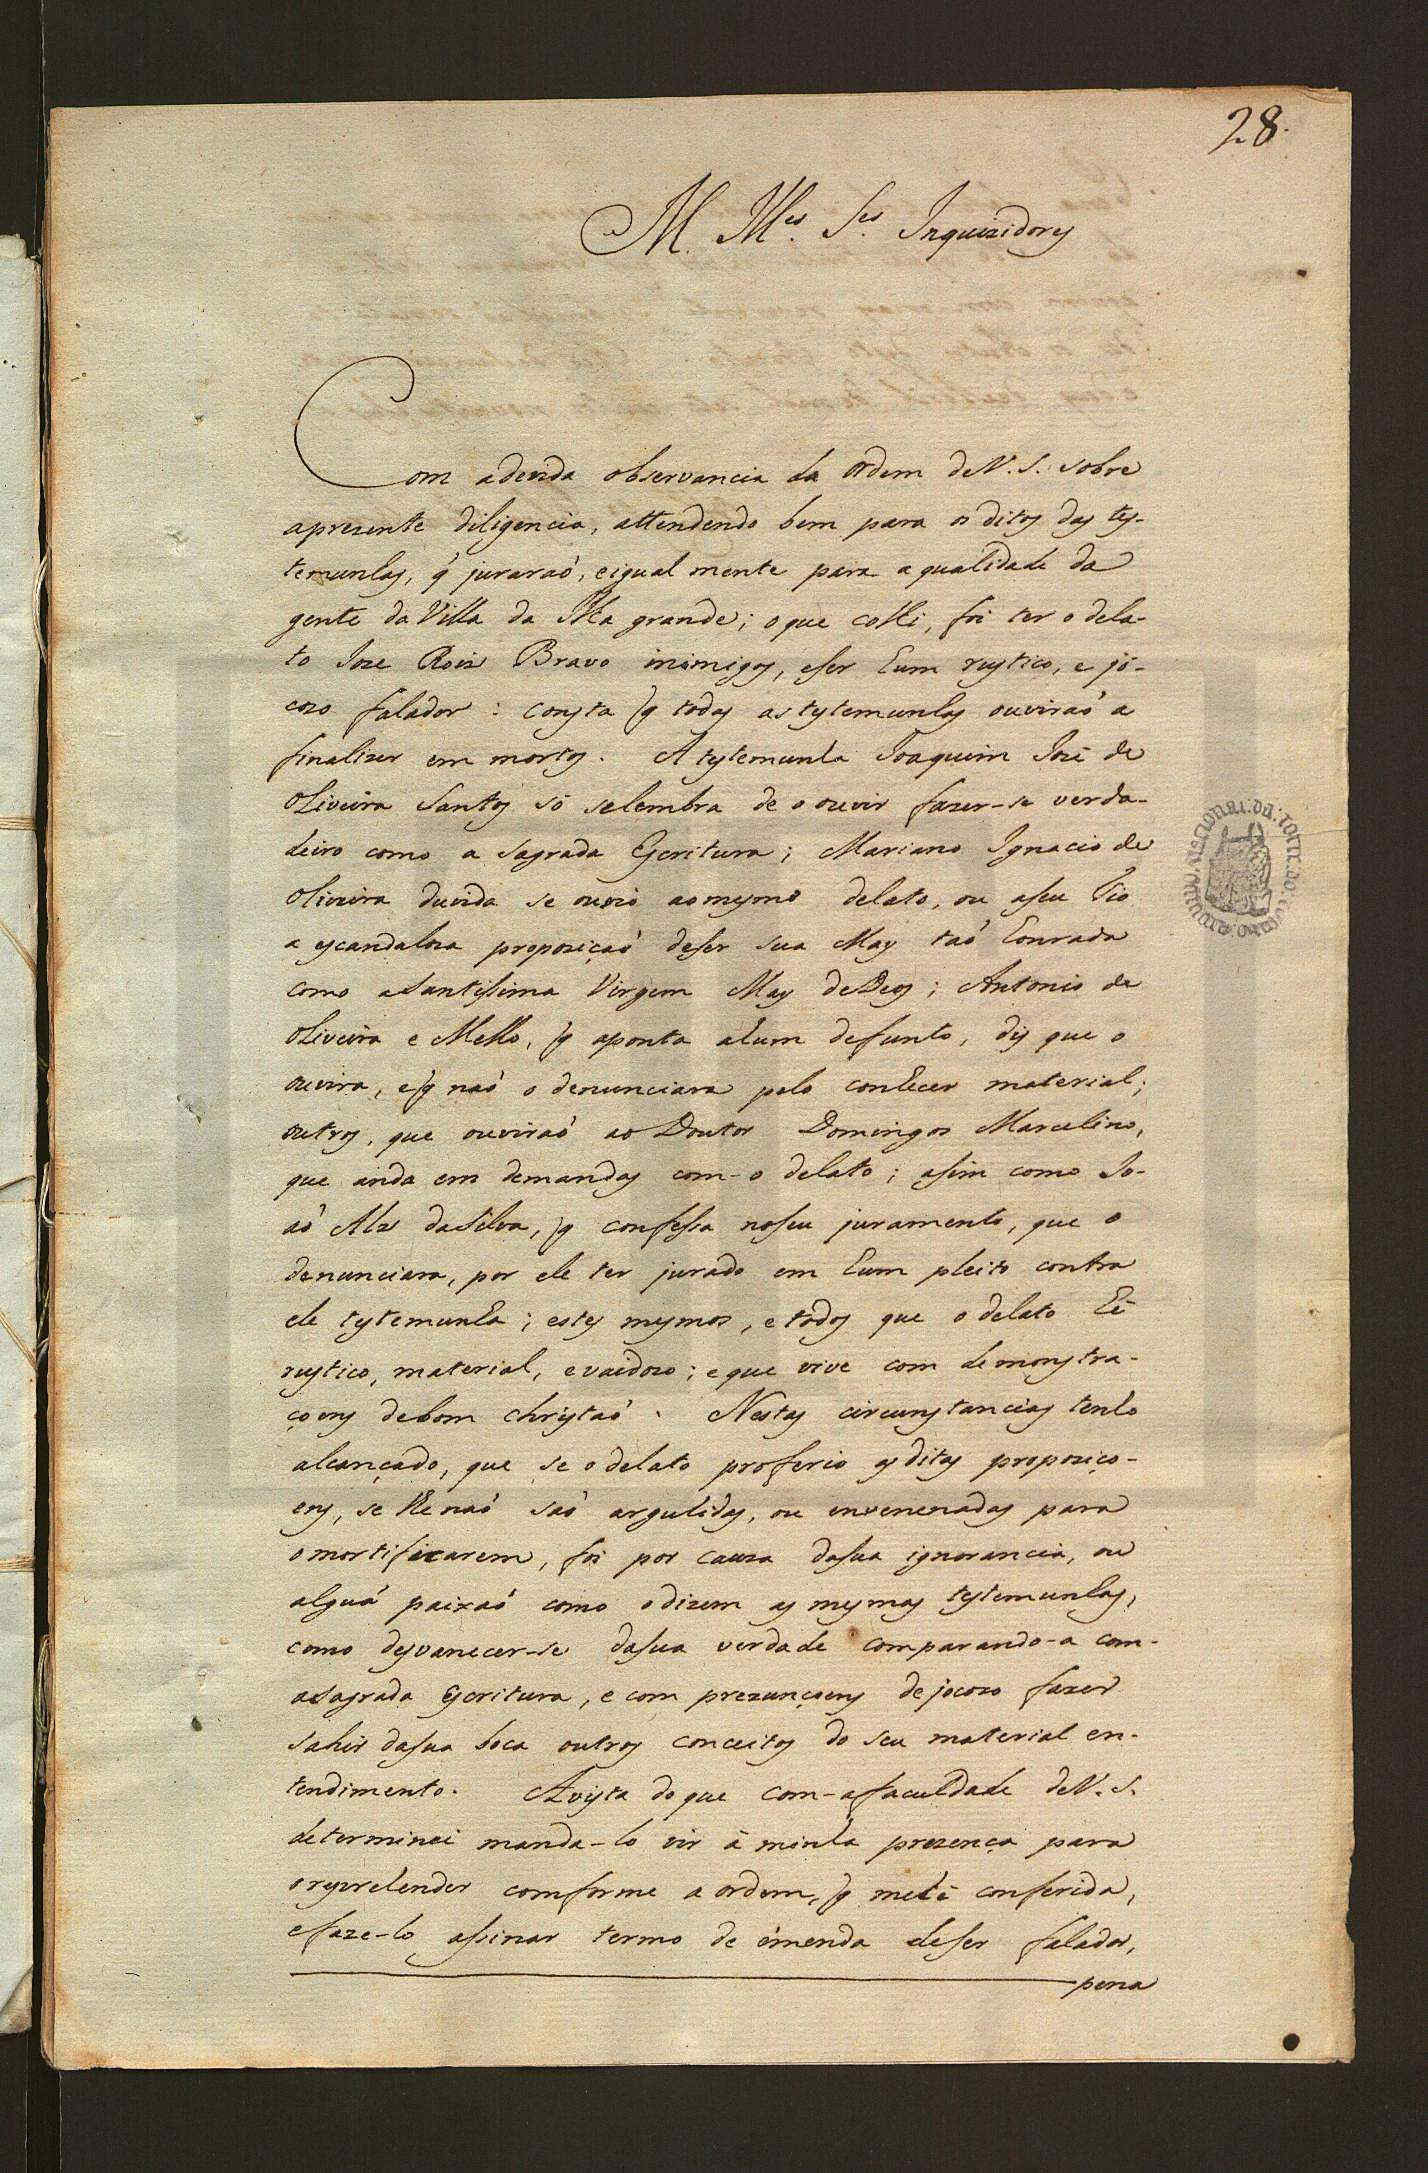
28.
M. Ill.es S.ers Inquizidores
Com adenda observancia da ordem de V. S. sobre
a prezente diligencia, attendendo bem para os ditos das tes
temunhas, q̄ juraraõ, e igualmente para a qualidade da
gente da Villa da Ilha grande; o que colhi, foi ter o dela
to Ioze Roiz Bravo inimigos, ser hum rustico, e jo
cozo falador: consta q̄ todas as testemunhas ouviraõ a
finalizer em mortos. A testemunha Ioaquim Iozé de
oLiveira Santos só se lembra de o ouvir fazer-se verda
deiro como a sagrada Escritura; Mariano Ignacio de
oliveira duvida se ouvio ao mesmo delato, ou a seu Tio
a escandaloza propoziçaõ de ser sua May taõ honrada
como a Santissima Virgem May de Deos; Antonio de
oliveira e Mello, q̄ aponta a hum defunto, dis que o
ouvira, e q̄ naõ o denunciara pelo conhecer material,
outros, que ouviraõ ao Doutor Domingos Marcelino,
que anda em demandas com o delato; asim como Io
aõ Alz da Silva, q̄ confessa no seu juramento, que o
denunciara, por ele ter jurado em hum pleito contra
ele testemunha; estes mesmos, e todos que o delato hé
rustico, material, e vaidozo; e que vive com demonstra
çoens de bom christaõ. Nestas circunstancias tenho
alcançado, que se o delato proferio as ditas propoziço
ens, se lhe naõ saõ argulidas, ou envenenadas para
o mortificarem, foi por cauza da sua ignorancia, ou
alguā paixaõ como o dizem as mesmas testemunhas,
como desvanecer-se da sua verdade comparando-a com
a Sagrada Escritura, e com prezunçoens de jocozo fazer
sahir da sua boca outros conceitos do seu material en
tendimento. A vista do que com-a faculdade de V. S.
determinei manda-lo vir á minha prezença para
o reprehender comforme a ordem, q̄ me hé conferida,
e fazelo assinar termo de emenda de ser falador,
pena
